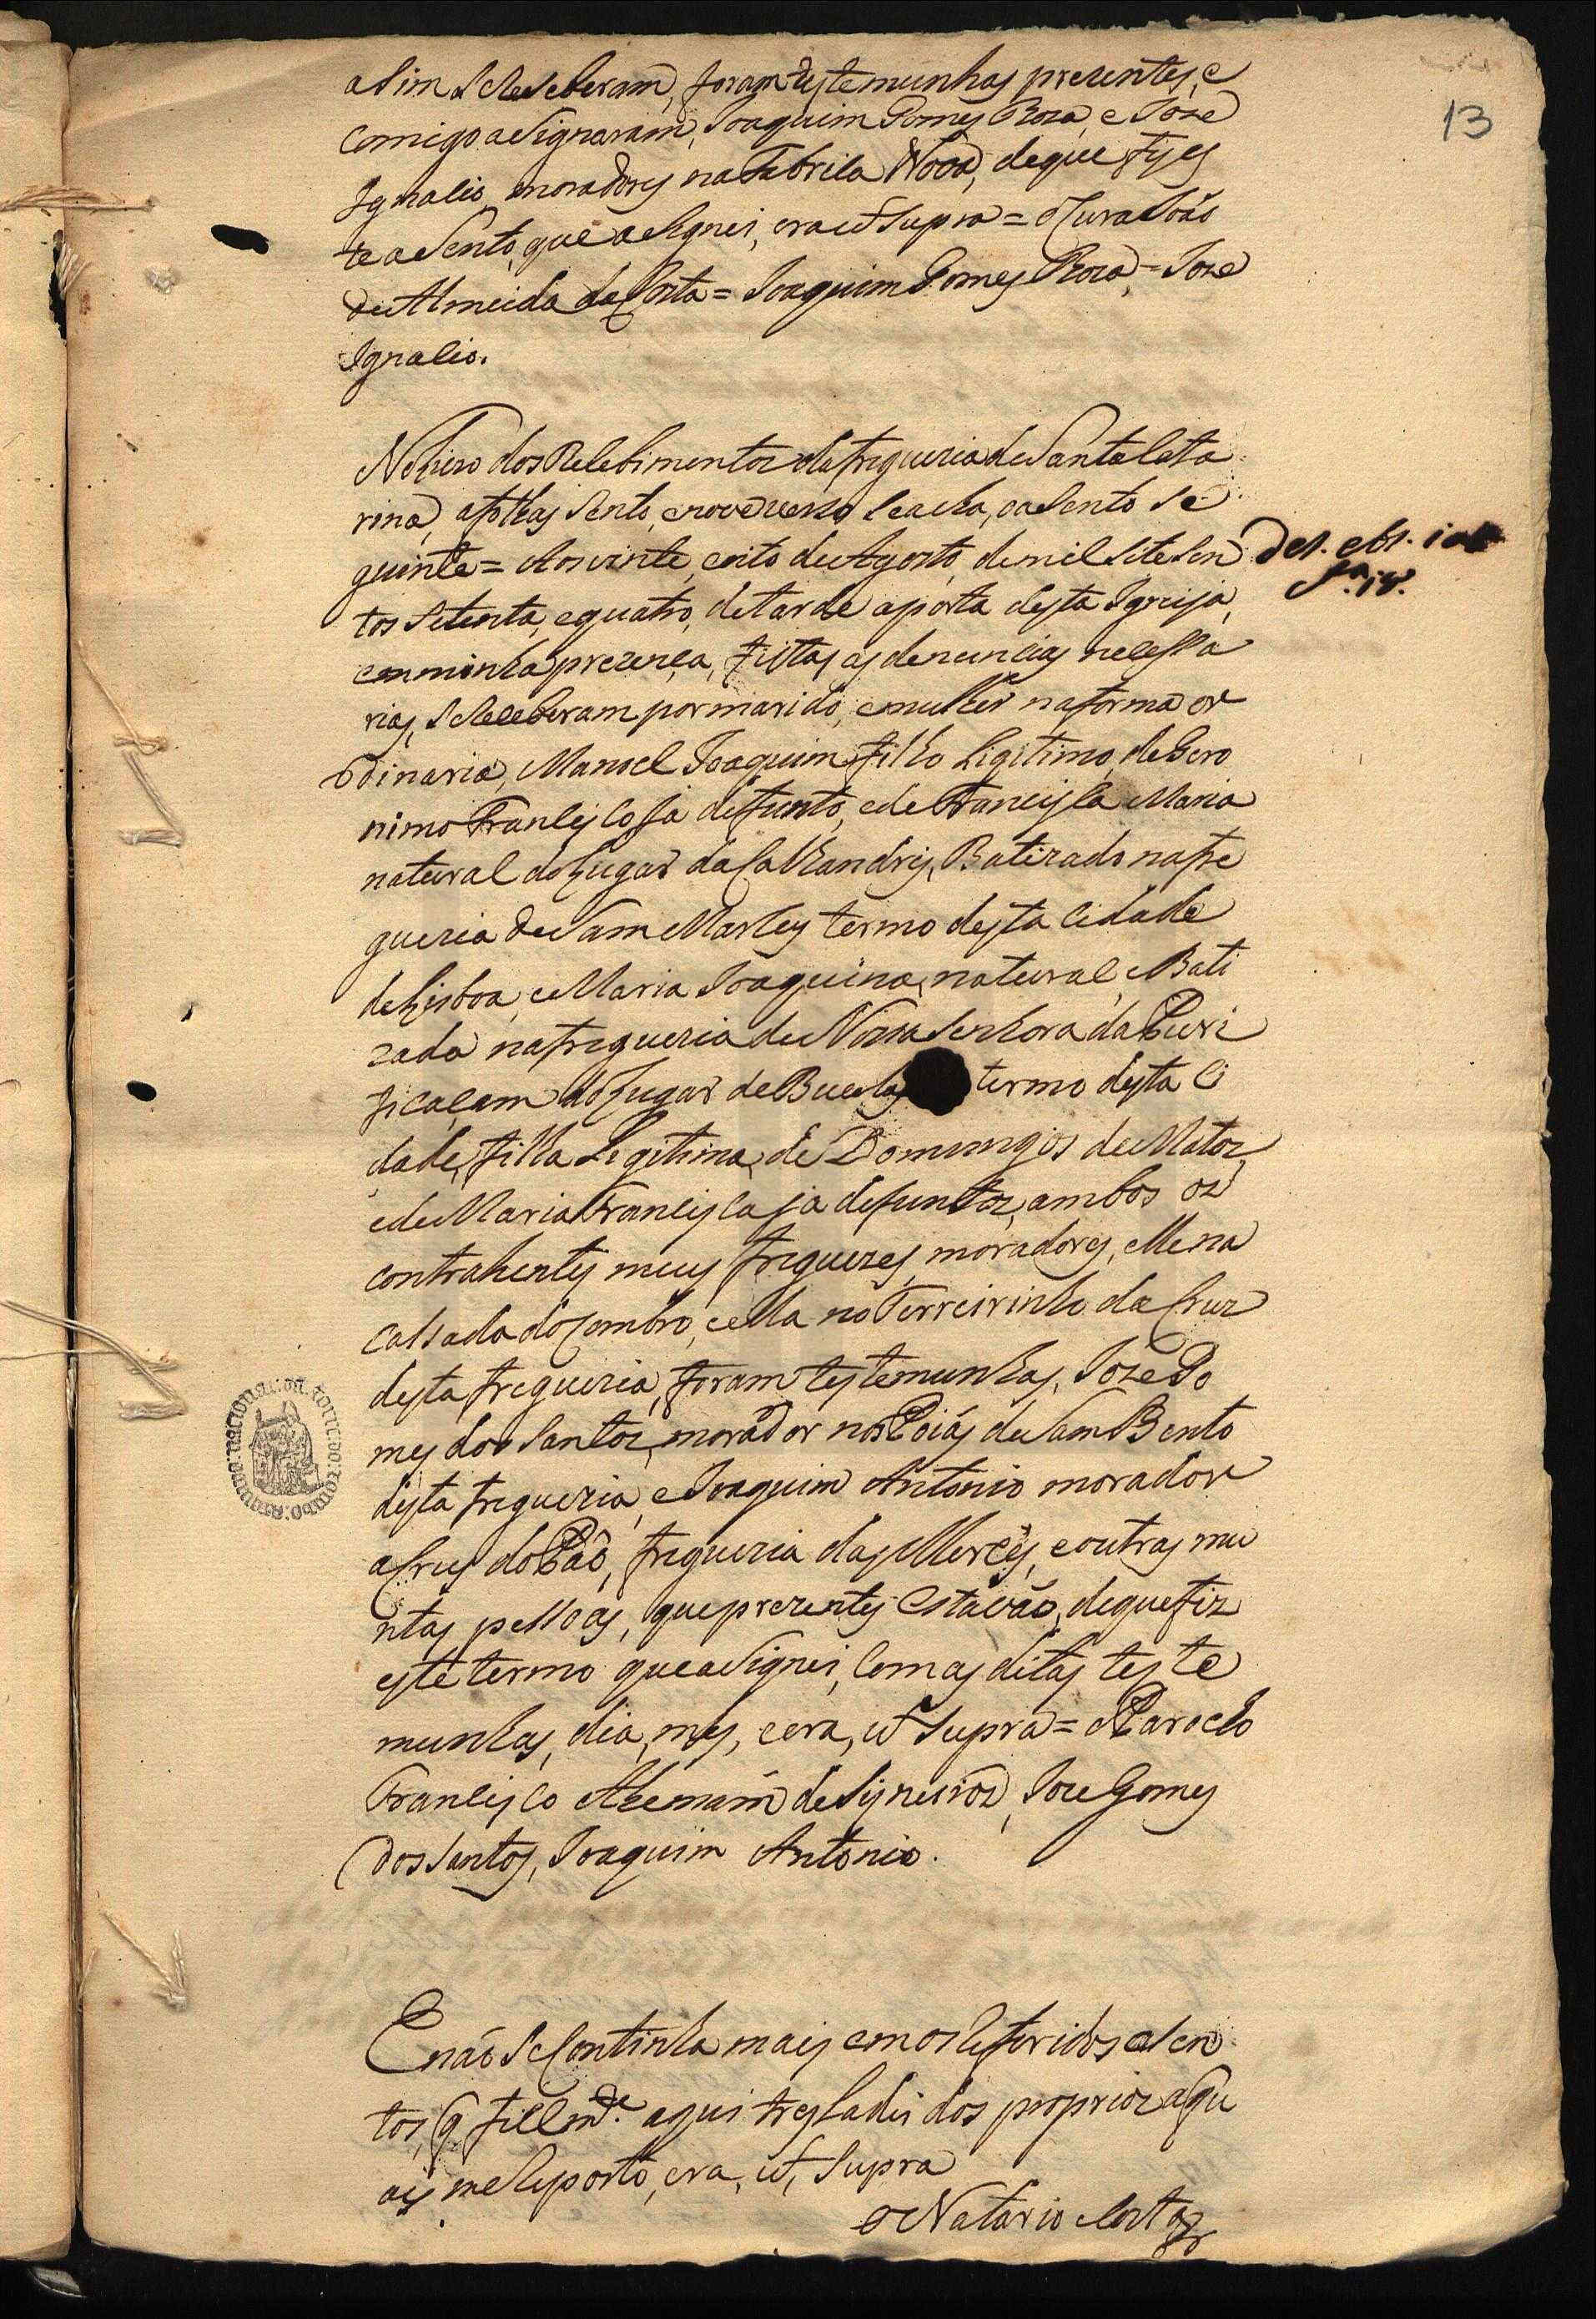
asim o Reseberam, foram testemunhas prezentes, e
comigo asignaram, Ioaquim Gomes Roza, e Ioze
Ignacio moradores na Fabrica Nova, de que Fis es
te asento, que asignei, era ut supra = o Cura Ioão
de Almeida da Costa= Ioaquim Gomes Roza,= Ioze
IgnaCio.
No Livro dos ReCebimentos da freguezia de Santa Cata
rina, a folhas sento, e nove verso se acha, o asento se
guinte= Aos vinte, e oito de Agosto, de mil setesen
tos setenta, quatro, de tarde a porta desta Igreja,
em minha prezença feitas as denuncias necessa
rias, se Receberam por marido, e mulher na forma or
dinaria, Manoel Ioaquim filho Ligitimo, de Gero
nimo Francisco Ja defunto, e de Francisca Maria
natural do Lugar da Calhandris, Batizado na fre
guezia de Sam MarCus termo desta cidade
de Lisboa, e Maria Ioaquina natural e Bati
zada na freguezia de Nossa Senhora da Puri
ficaçam do Lugar de Buelas termo desta ci
dade, filha Legitima, de Domingos de Matoz
e de Maria Francisca ja defuntoz, ambos oz
contrahentes meus freguezes, moradores, elle na
calsada do Combro, e ella no Terreirinho da Cruz
desta freguezia, foram testemunhas, Ioze Go
mes dos santos, morador nos Goiás de Sam Bento
desta freguezia, e Ioaquim Antonio morador
a Crus do Paõ, freguezia das Merces, e outras mu
ntas pessoas, que prezentes estavão, de que fiz
este termo que asignei, com as ditas teste
munhas, dia, mes, e era, ut supra= o Parocho
Francisco Abemam, de Sisneiroz, Ioze Gomes
dos santos, Ioaquim Antonio.
E não se Continha mais em os Referidos sen
tos, q̄ fielm.te aqui tresLadei dos proprioz a qu
ais me Reporto, era, ut, supra
o Notario Costa
des. obs. ia_
st.a i8.
